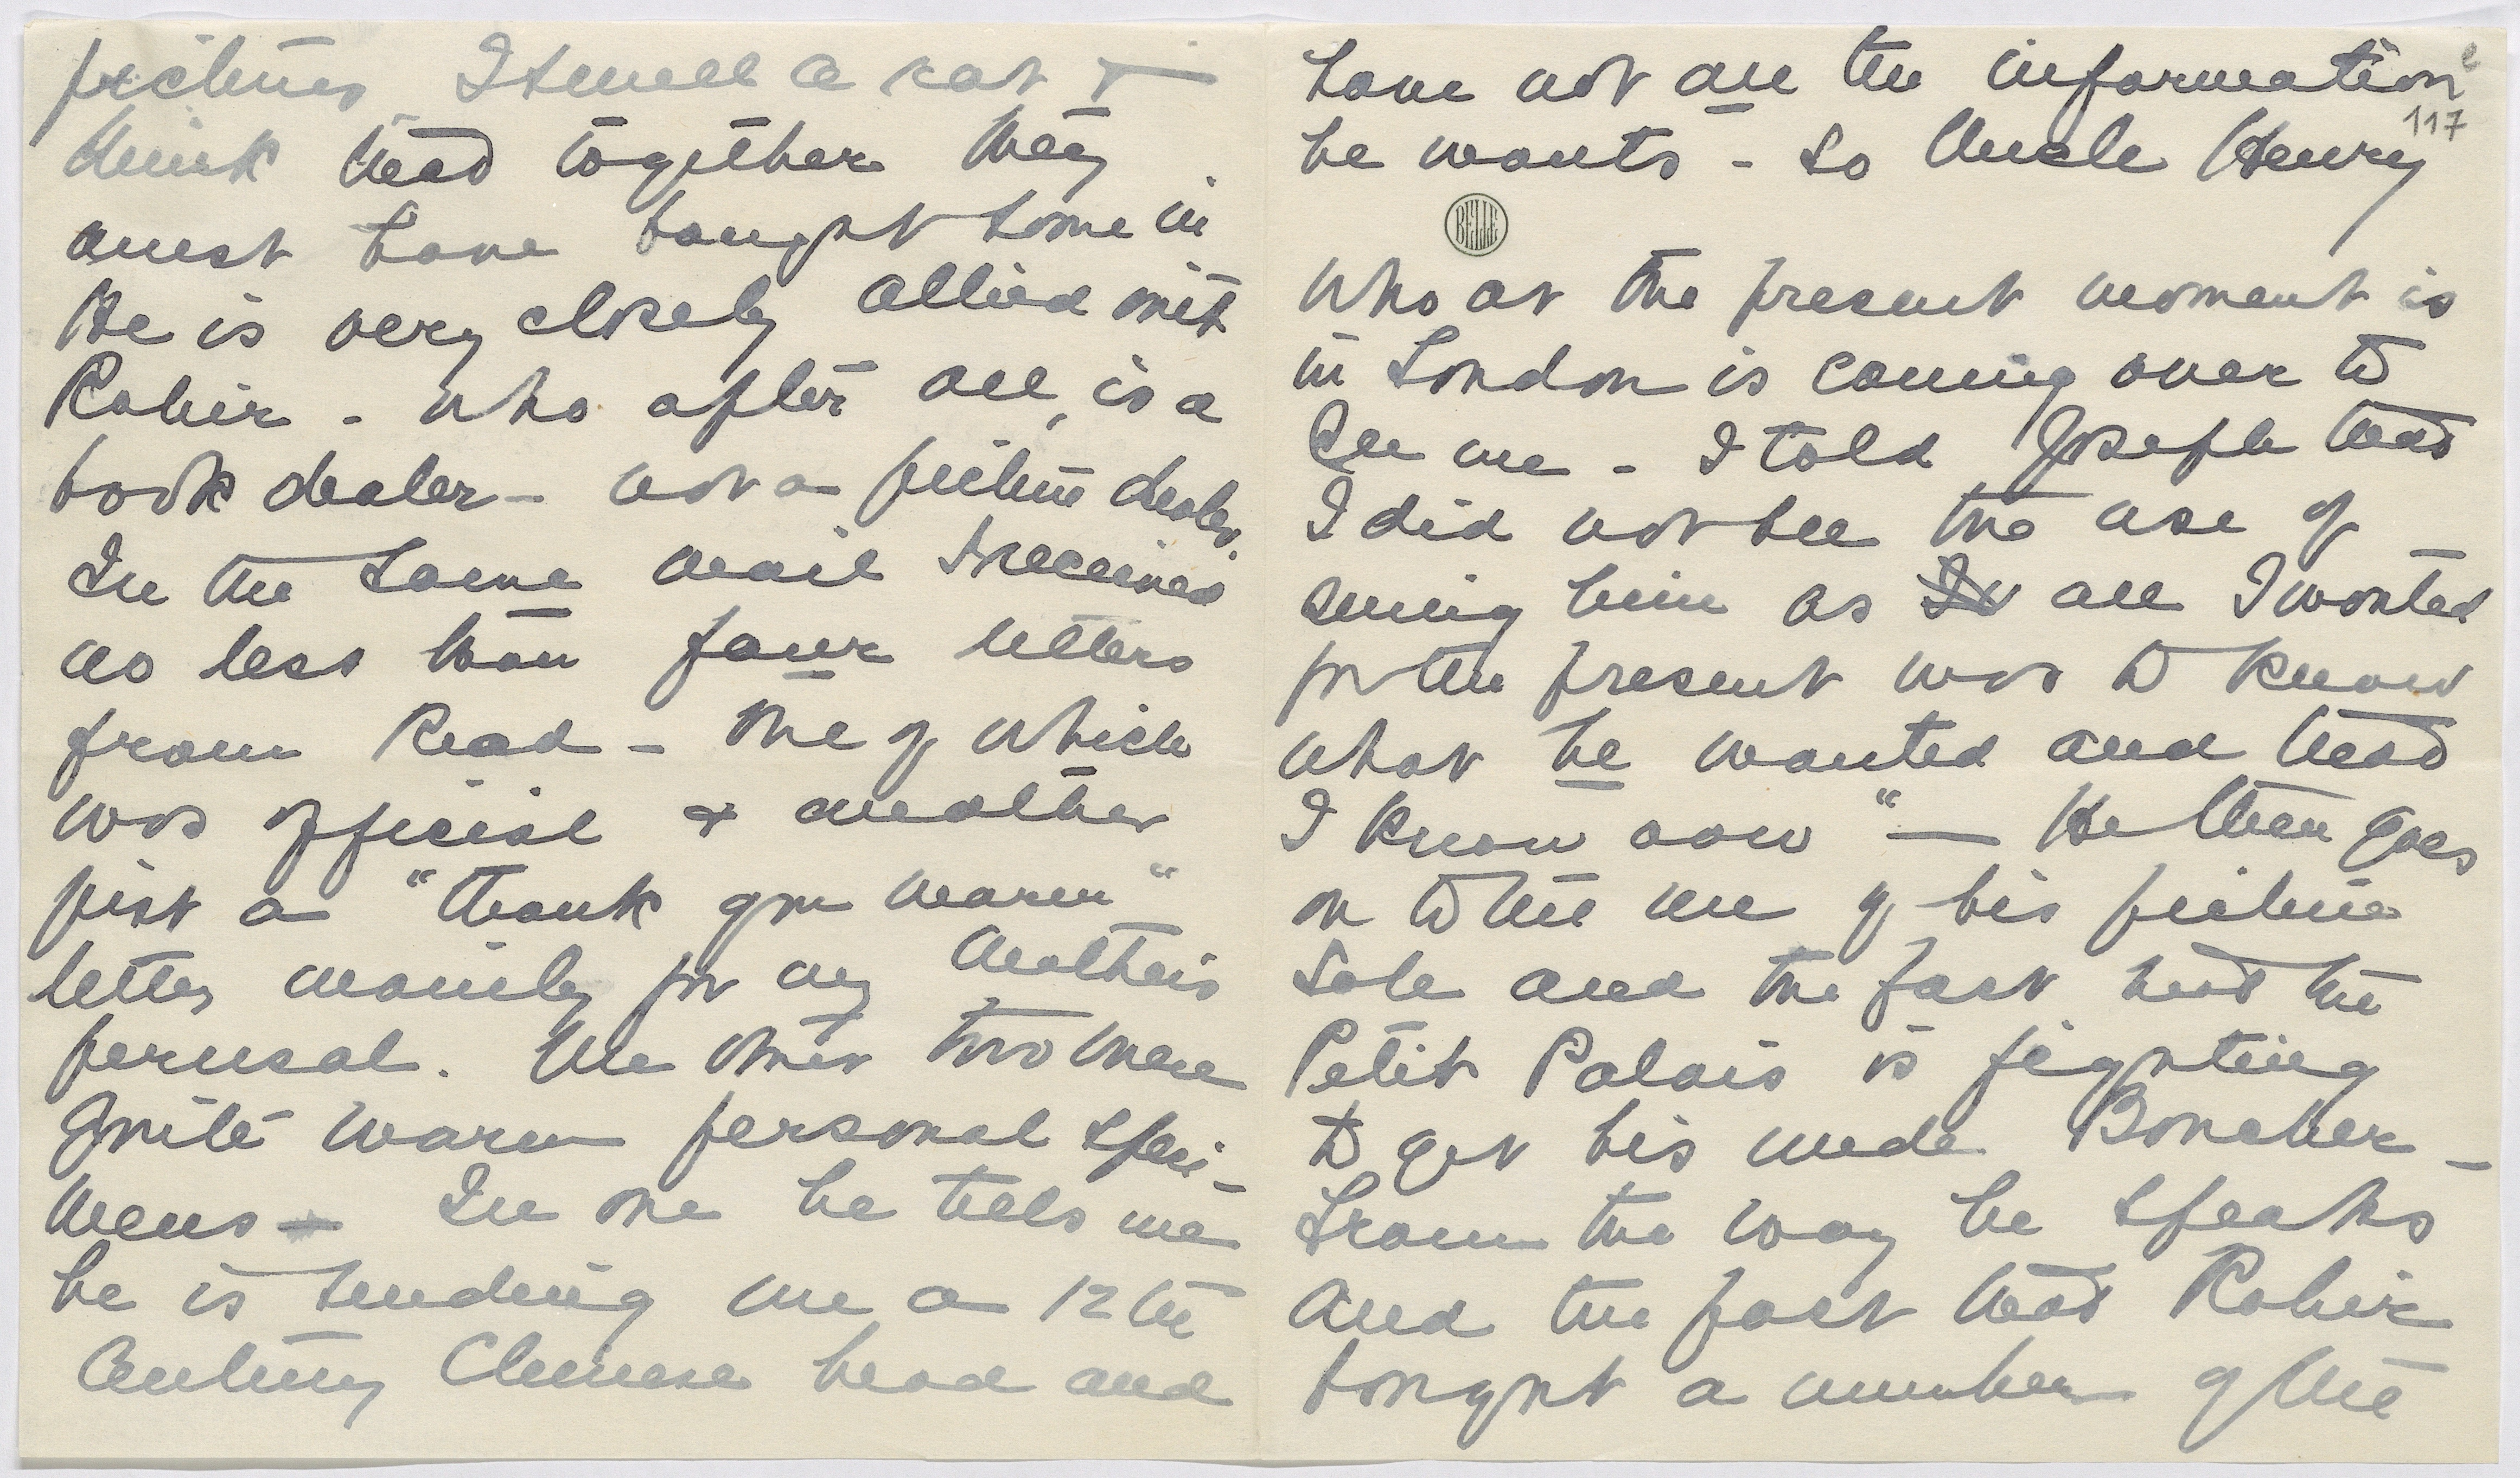have not all the information he wants – so Uncle Henry who at the present moment is in London is coming over to see me – I told Joseph that I did not see the use of seeing him as I all I wanted for the present was to know what he wanted and that I know now” – He then goes on to tell me of his picture sale and the past that the Petit Palais is fighting to get his nude Boucher – From the way he speaks and the fact that Rahir bought a number of the
pictures I smell a rat & think that together they must have bought some in He is very closely allied with Rolier – who after all is a book dealer – not a picture dealer. In the same mail I received no less than four letters from Read – one of which was official & another just a “thank you bearer” letter mainly for my mother’s perusal. The other two were quite warm personal specimens – In one he tells me he is sending me a 12th century Chinese head and